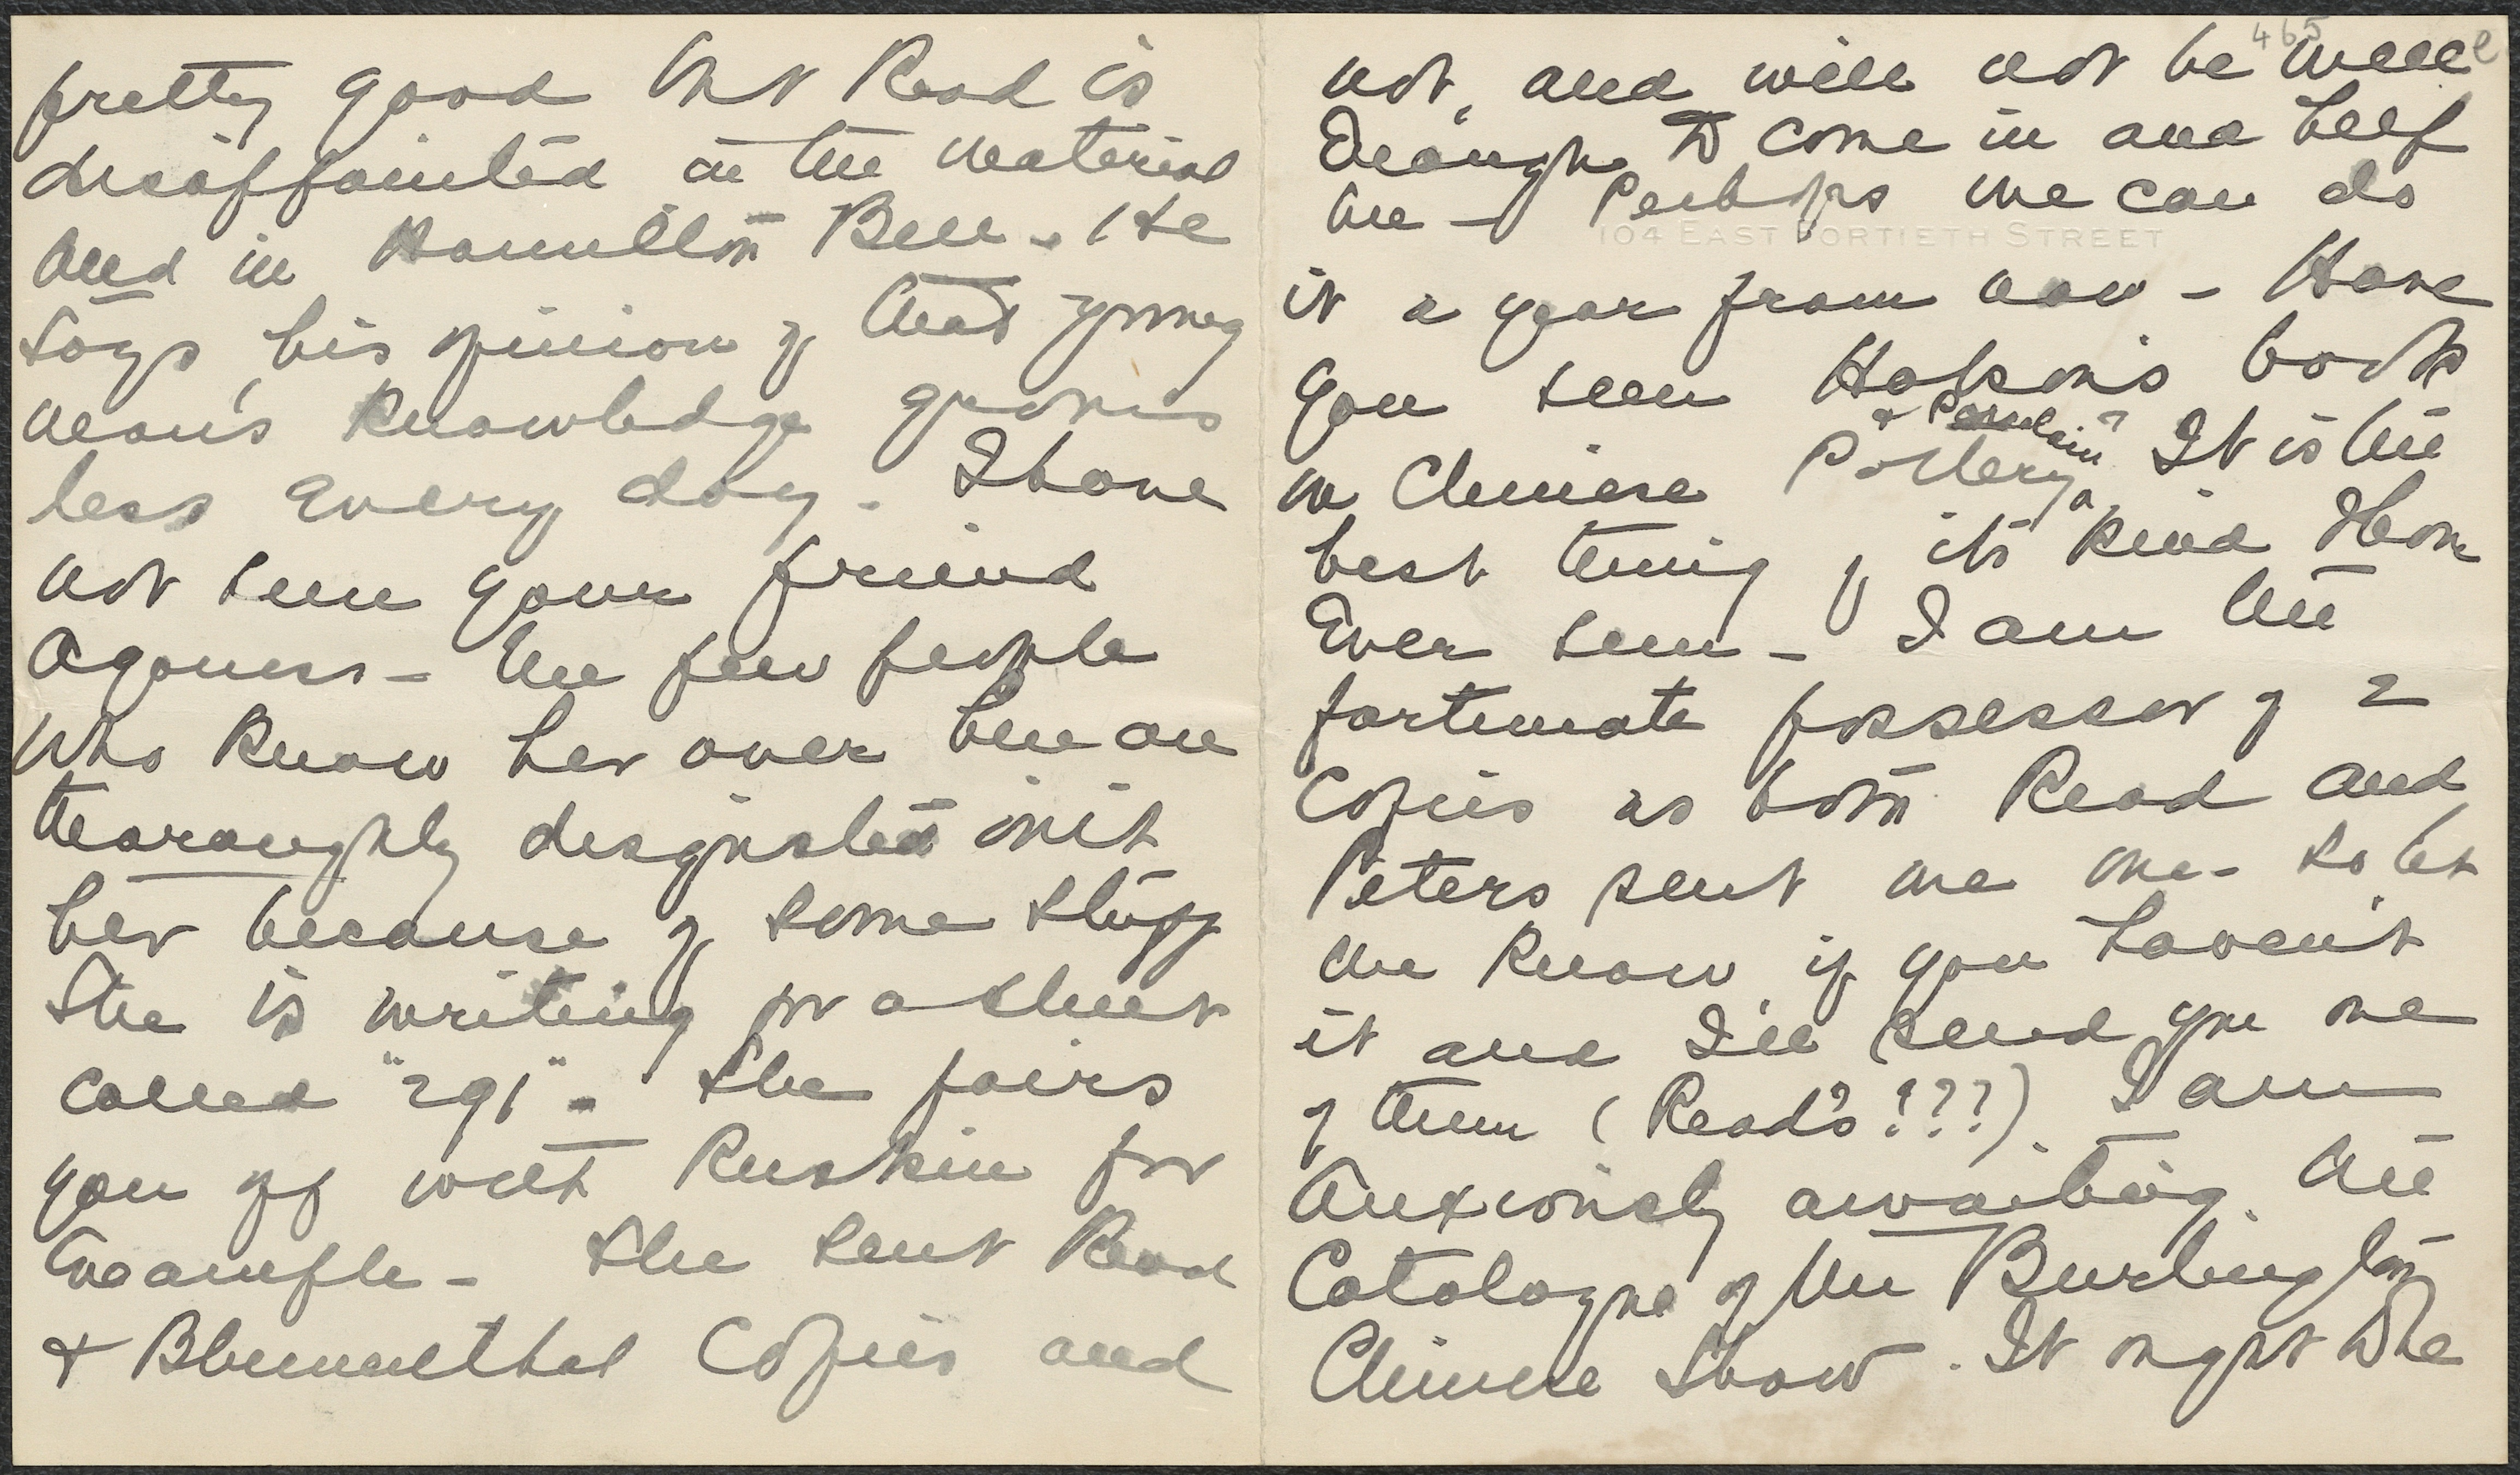not, and will not be well enough to come in and help me – perhaps we can do it in a year from now – Have you seen Hobson’s book on Chinese pottery [^& porcelain^]? It is the best thing of its kind I have ever seen – I am the fortunate possessor of 2 copies as both Read and Peters sent me one – so let me know if you haven’t it and I’ll send you one of them (Read’s???). I am anxiously awaiting the catalogue of the Burlington Chinese Show. It ought to be
pretty good but Read is disappointed in the material and in Hamilton Bell – He says his opinion of that young man’s knowledge grows less every day. I have not seen your friend Agoness – the few people who know her over here are thoroughly disgusted with her because of some stuff she is writing for a sheet called “291” – She pairs you off with Ruskin for example – she sent Read & Blumenthal copies and